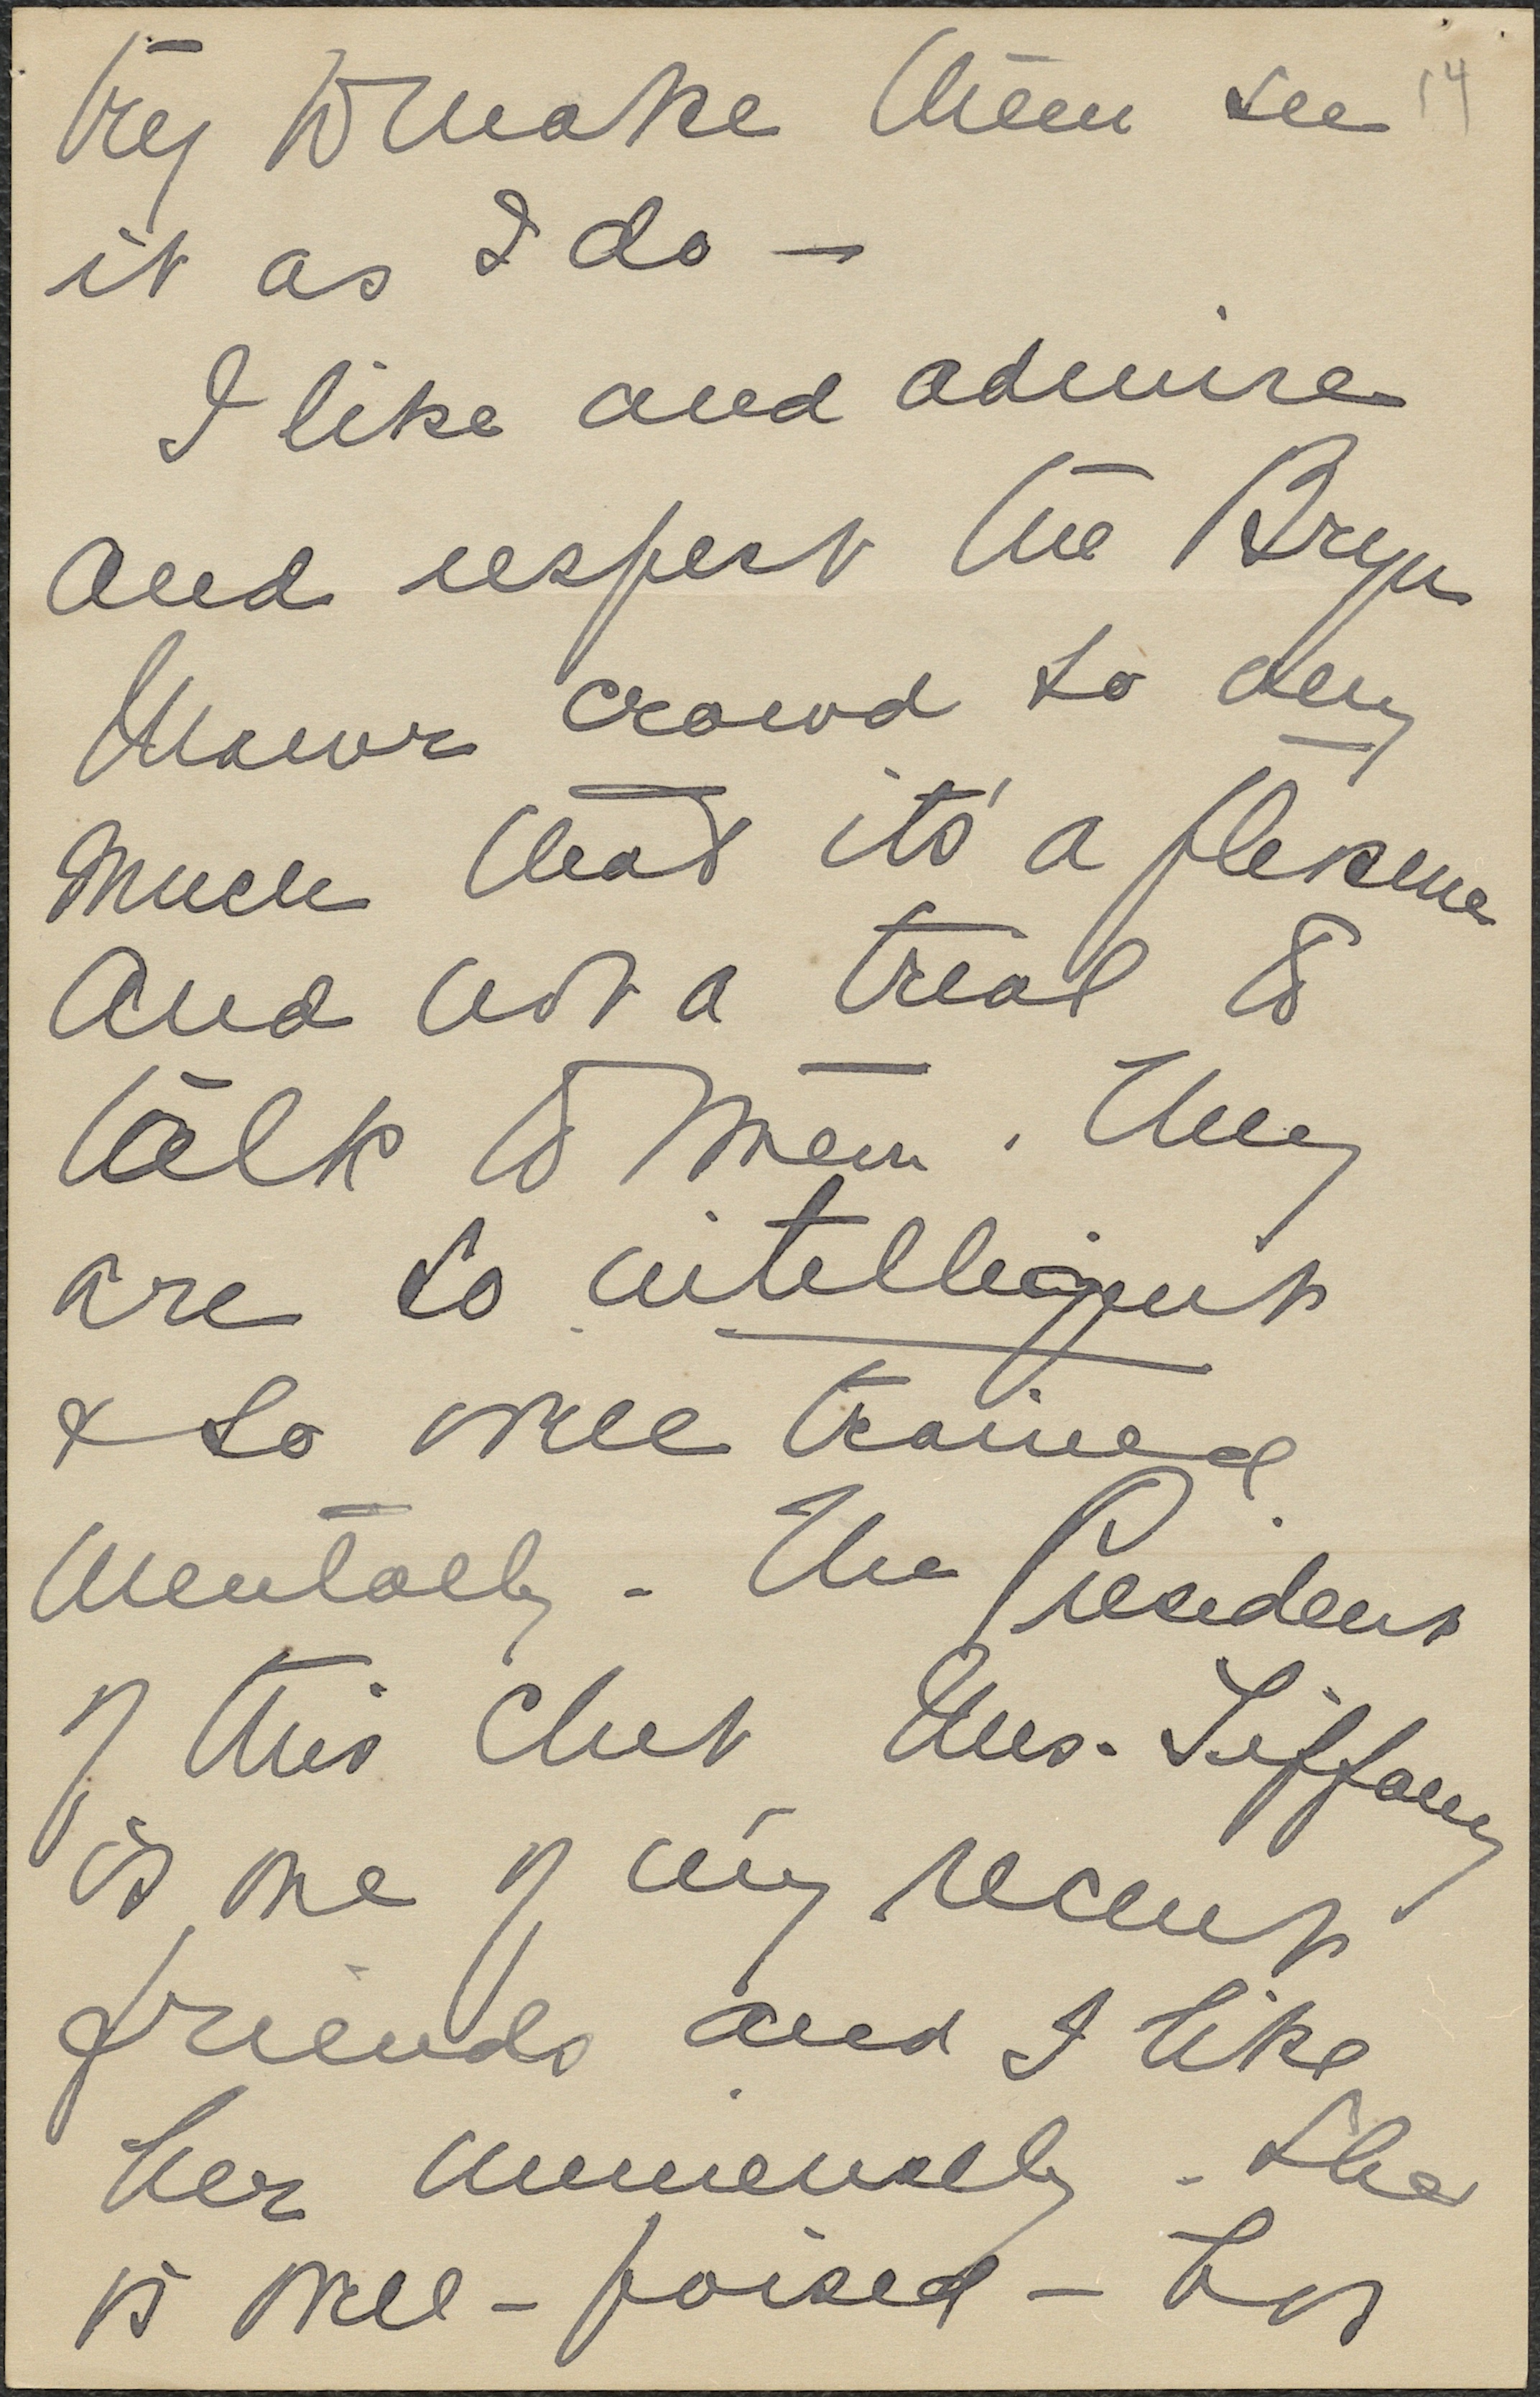try to make them see it as I do –
I like and admire and respect the Bryn Mawr crowd so very much that it’s a pleasure and not a treat to talk to them. They are so intelligent & so well trained mentally – The President of this club, Mrs. Tiffany is one of my recent friends and I like her immensely – She is well-poised – has